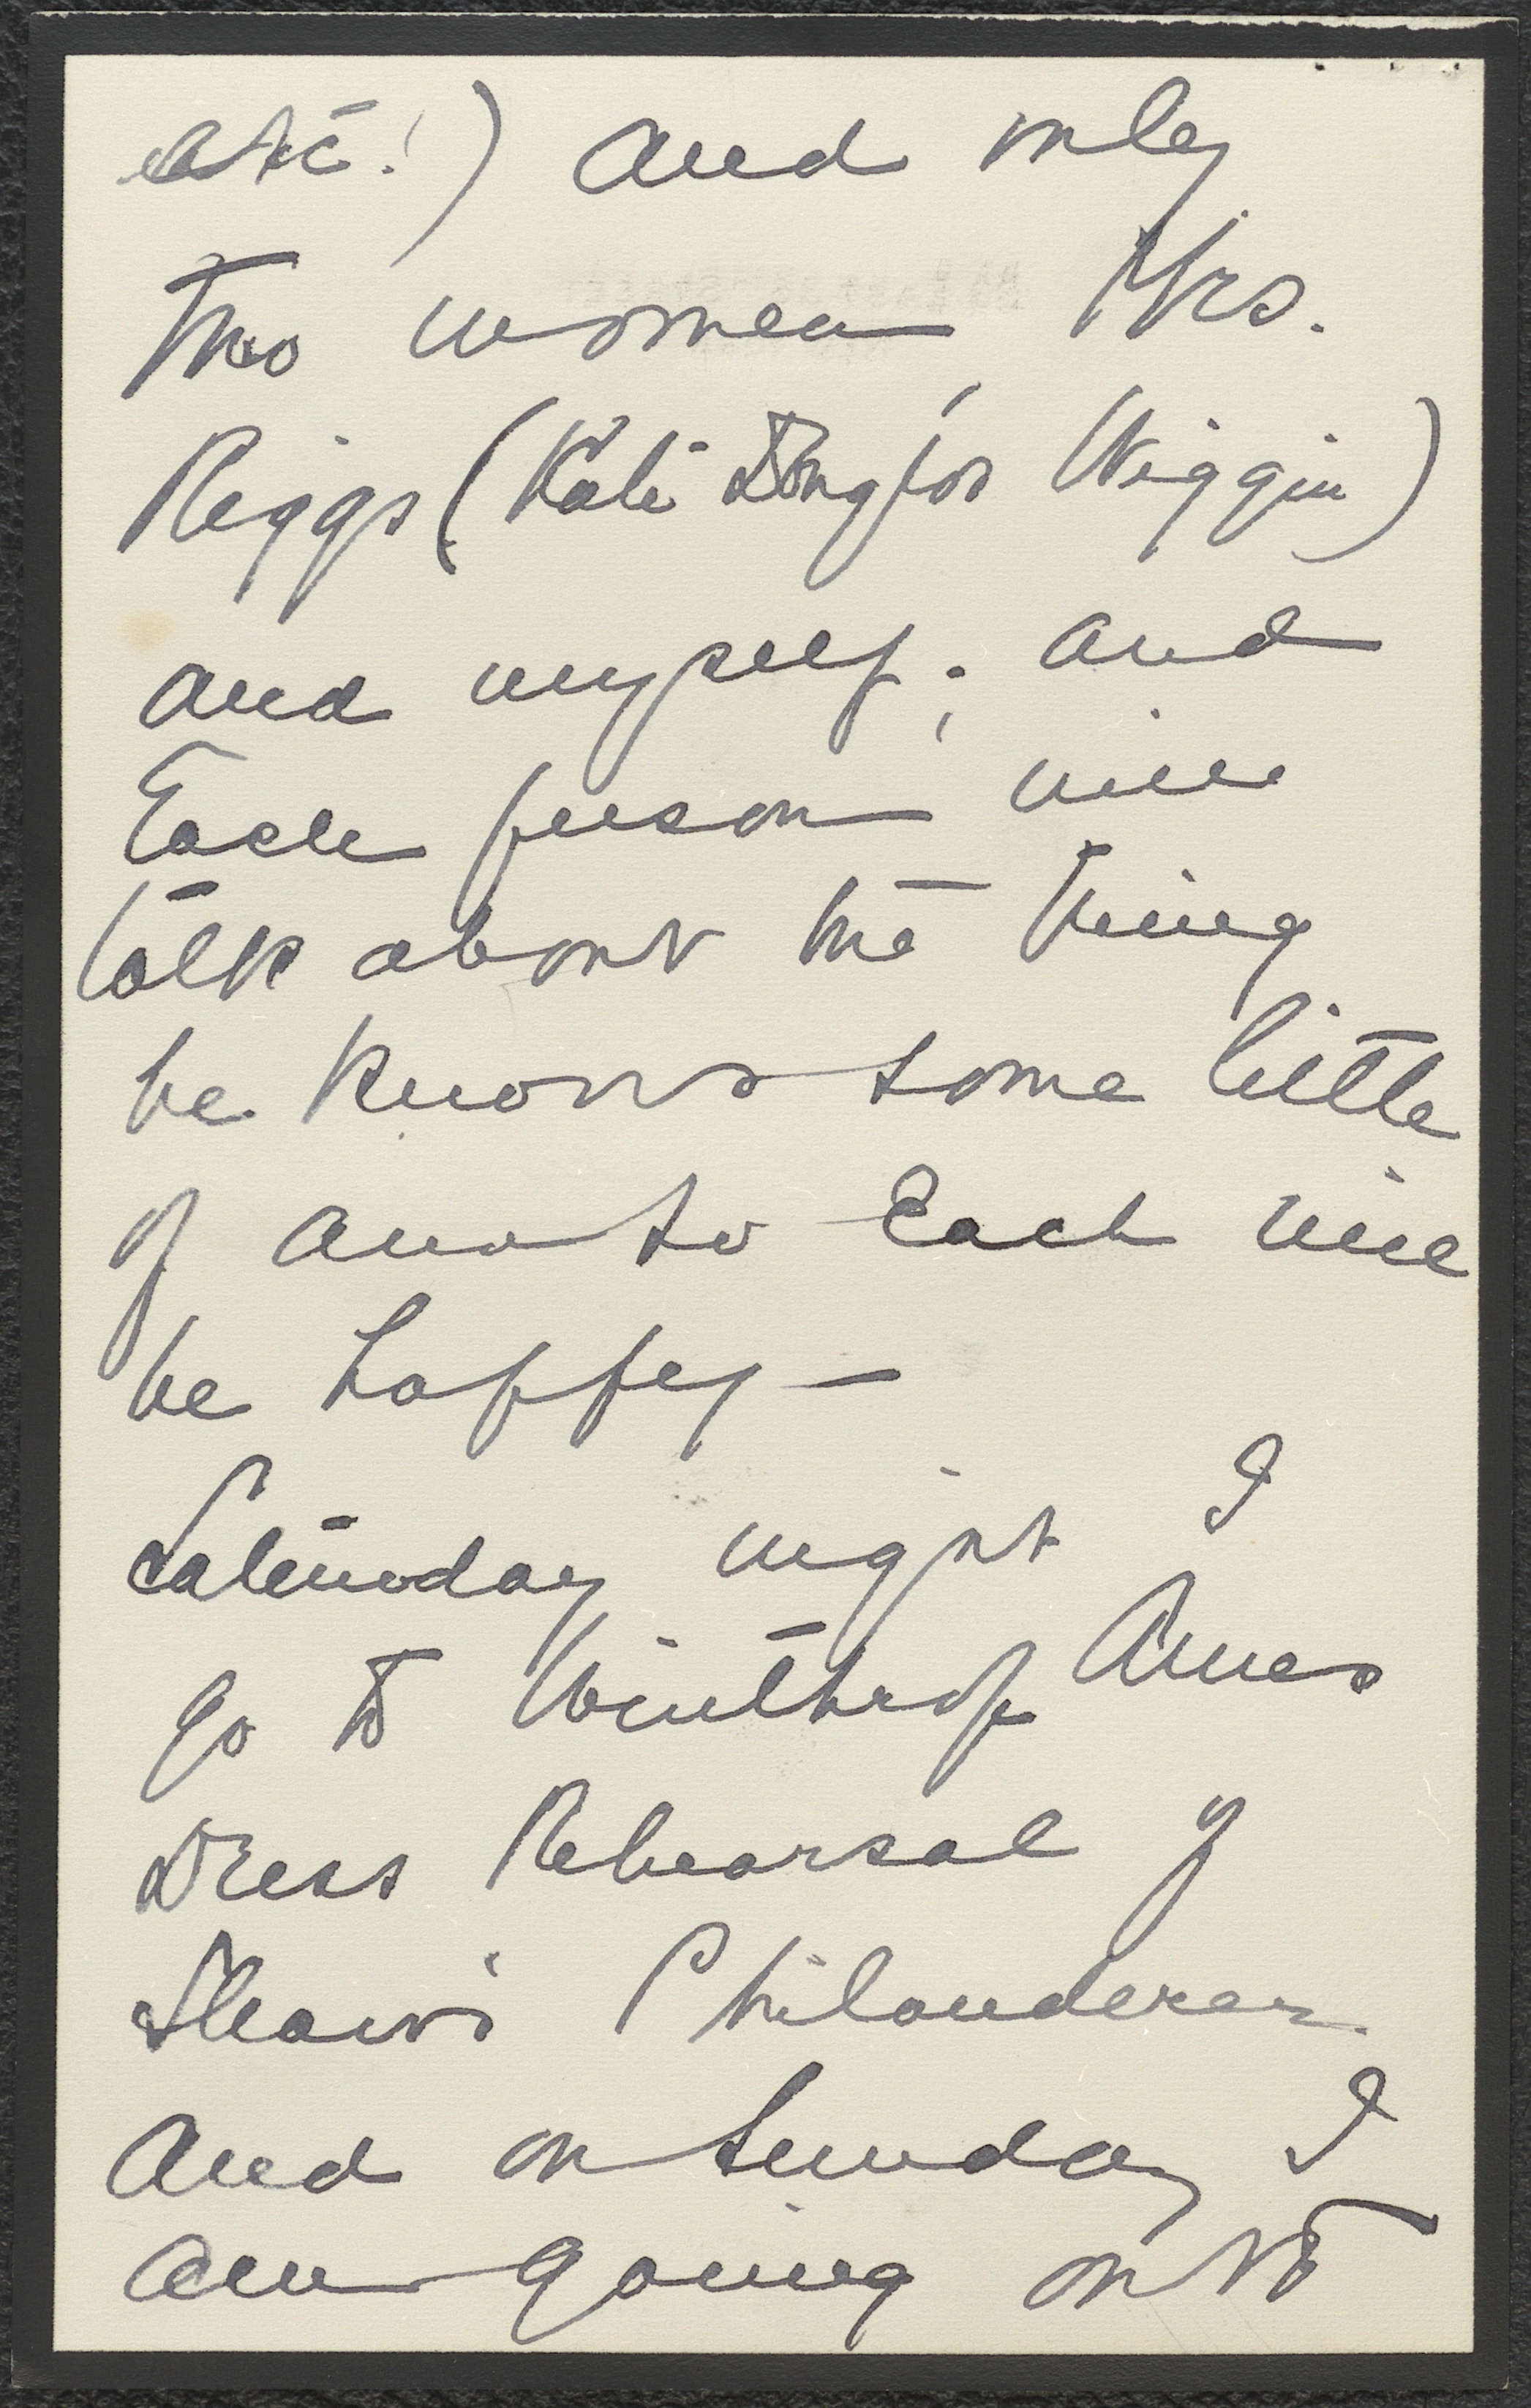etc!) and only two women Mrs. Riggs (Kate Douglas Wiggin) and myself. and each person will talk about the thing he knows some little of and so each will be happy –
Saturday night I go to Winthrop Ames Dress Rehearsal of Shaw’s Philanderer. And on Sunday I am going out to